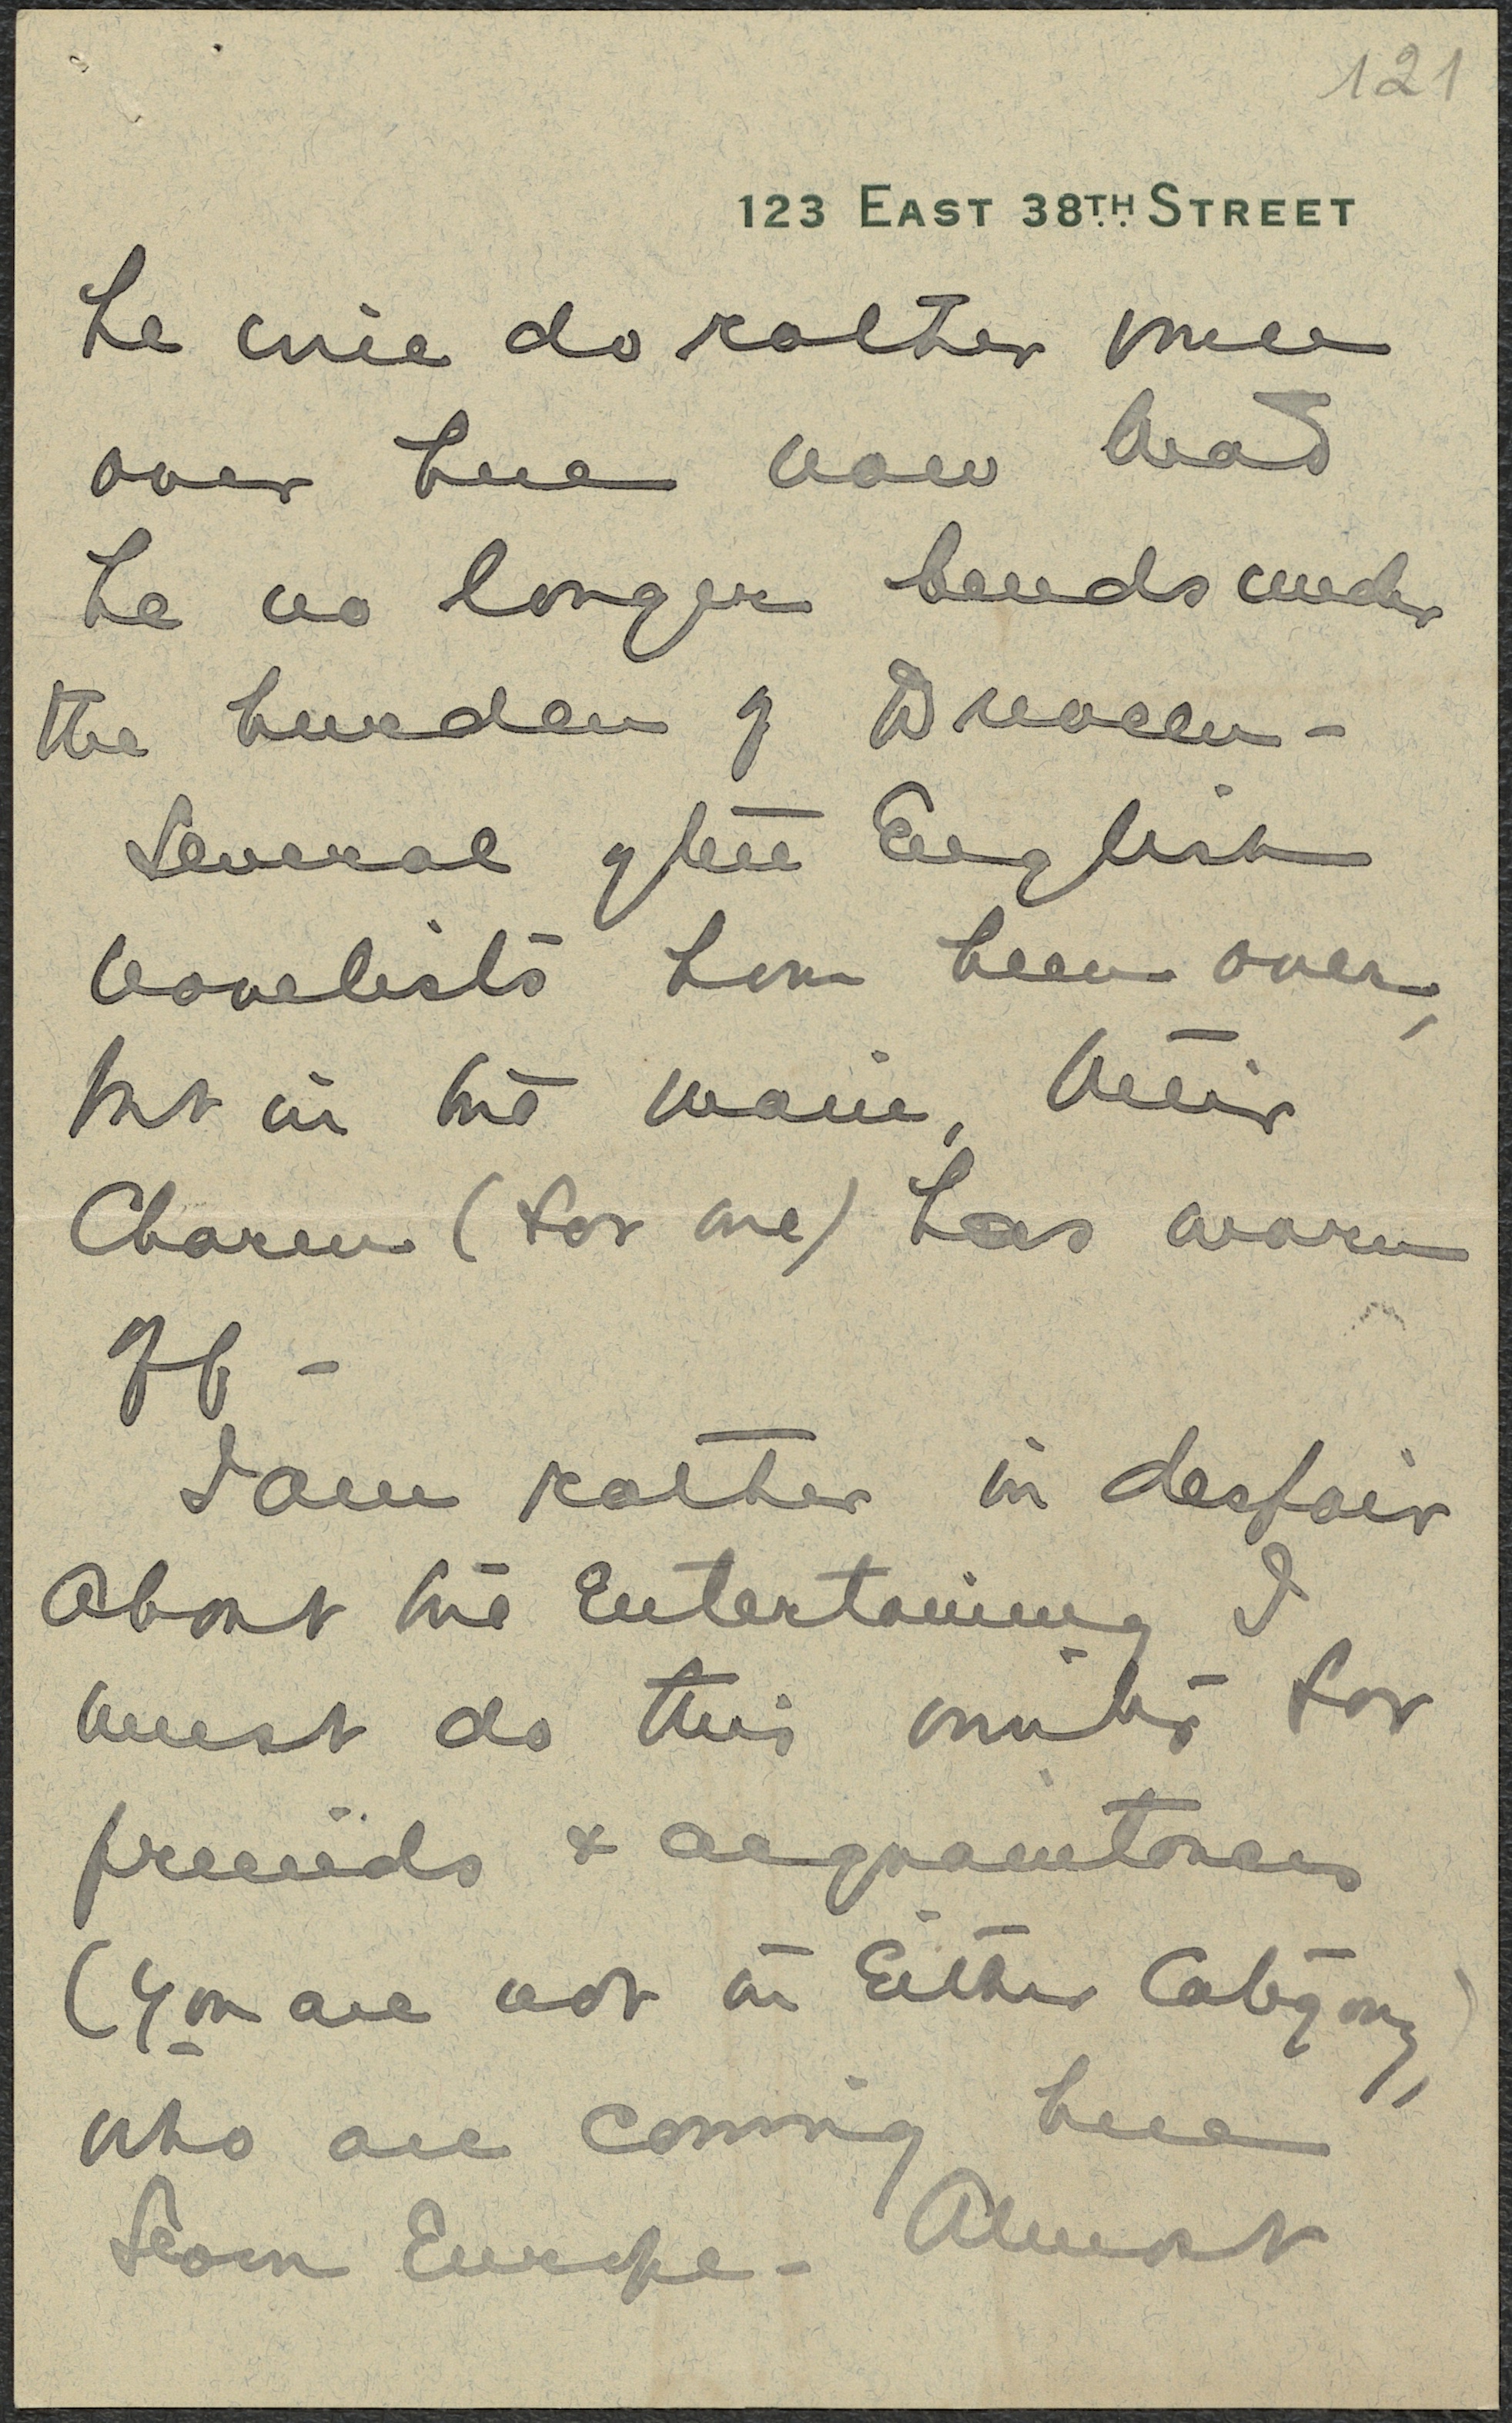he will do rather well over here now that he no longer bends under the burden of Duveen –
Several of the English novelists have been over, but in the main, their charm (for me) has worn off –
I am rather in despair about the entertaining I must do this winter for friends & acquaintances (you are not in either category) who are coming here from Europe. Almost